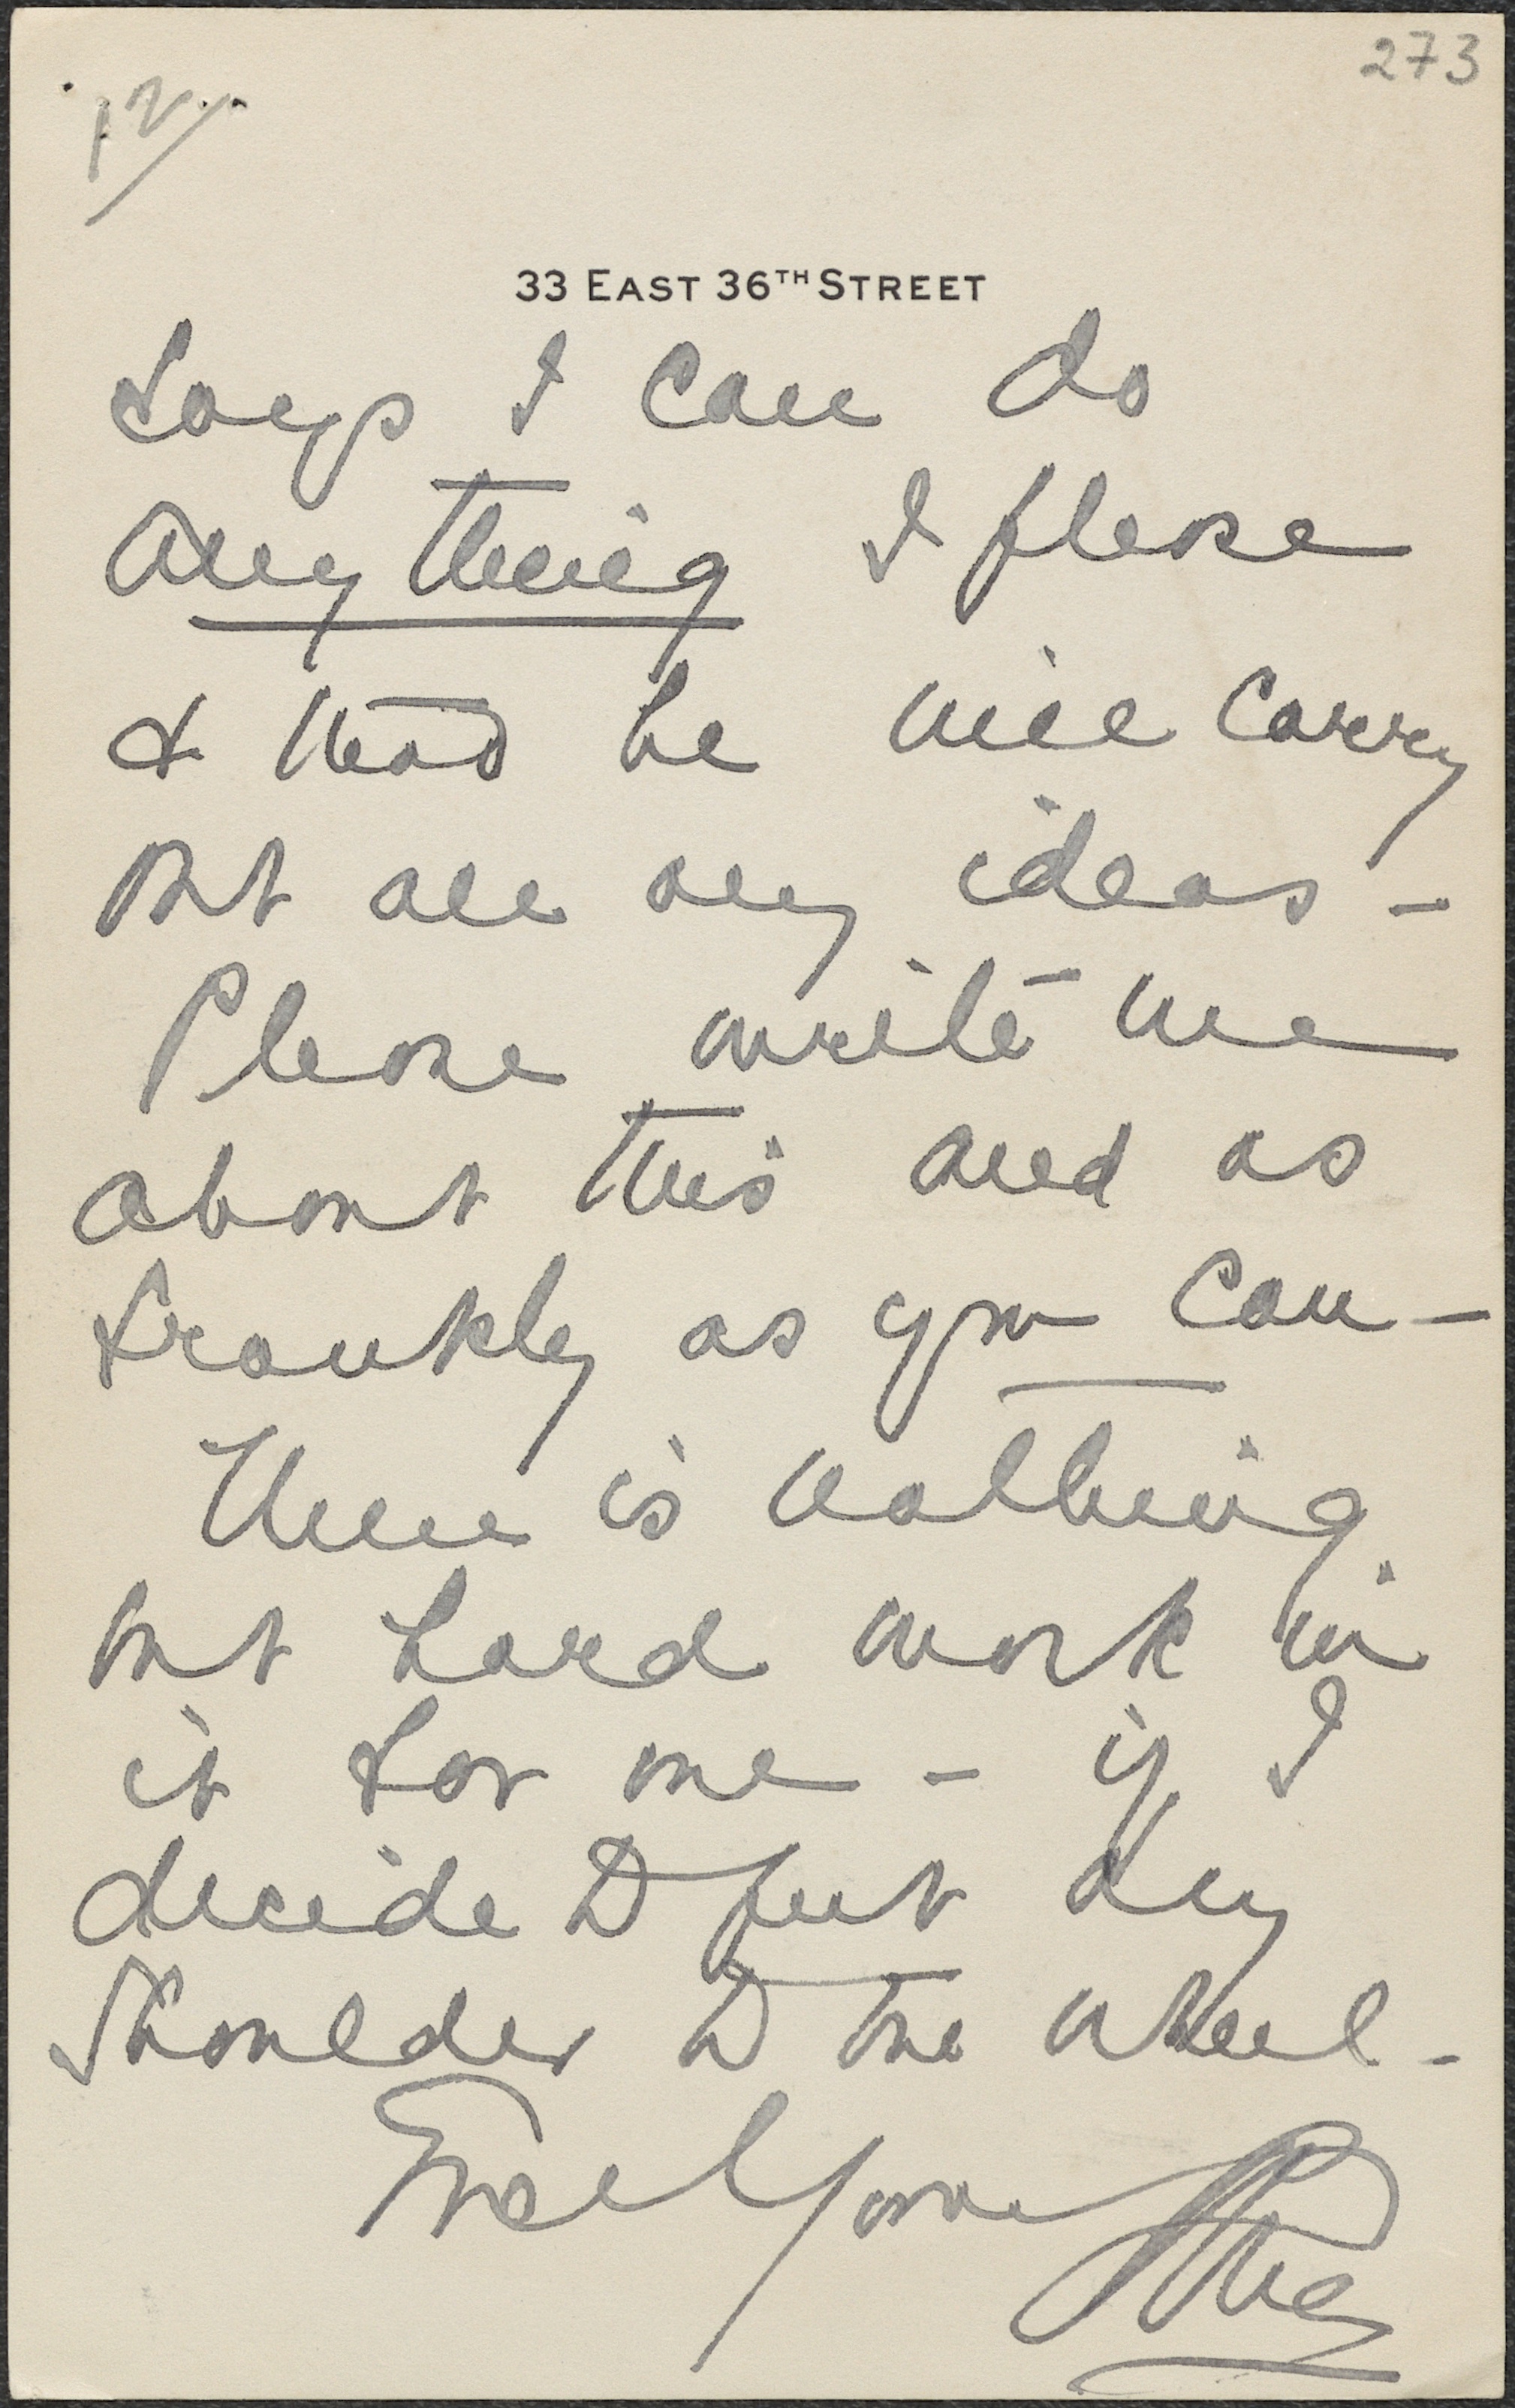12/
says I can do anything I please & that he will carry out all my ideas –
Please write me about this and as frankly as you can –
There is nothing but hard work in it for me – if I decide to put my shoulder to the wheel –
Ever Your,
Belle